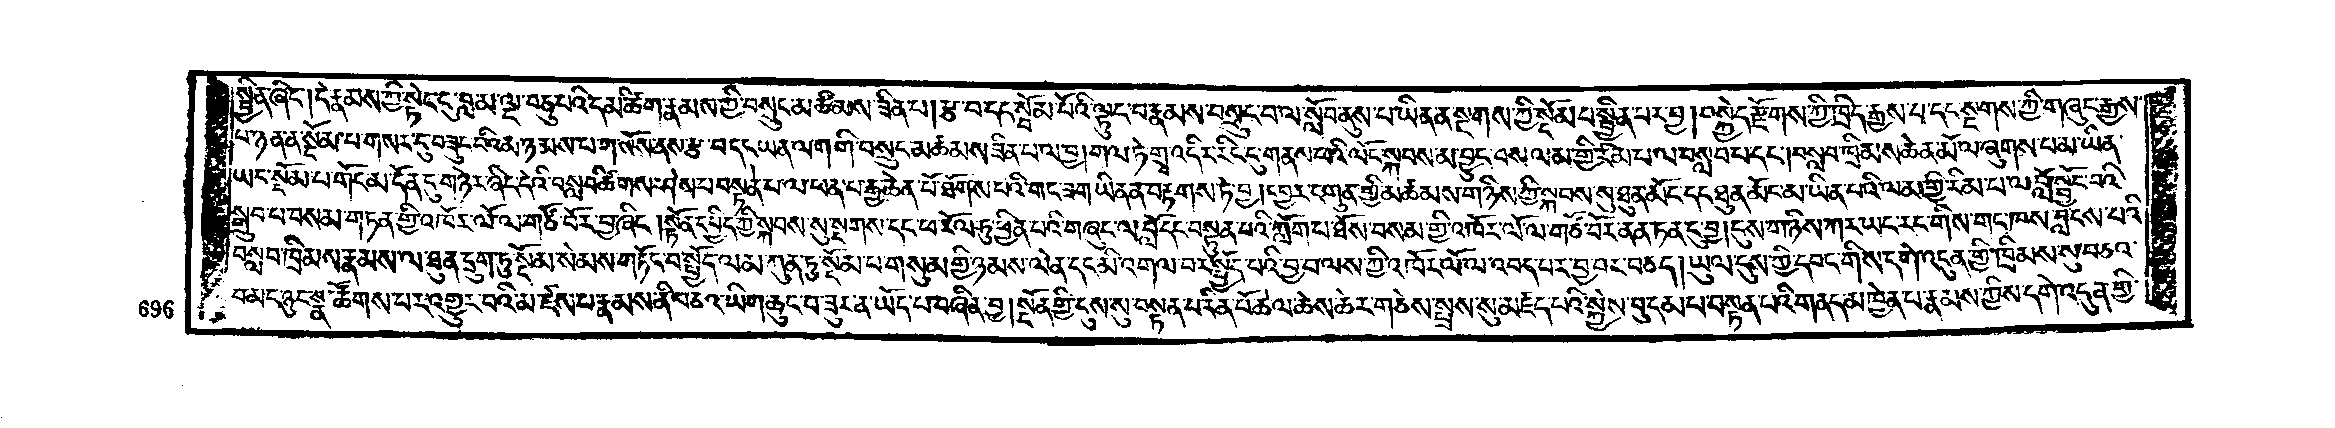སྦྱིན་ཞིང་། དེ་རྣམས་ཀྱི་སྟེང་དུ་བླ་མ་ང་བཅུ་པའི་དམ་ཚིག་རྣམས་ཀྱི་བསྲུང་མཚམས་ཟིན་པ། རྩ་བ་དང་སྦོམ་པོའི་ལྟུང་བ་རྣམས་བསྲུང་བ་ལ་སློབ་ནུས་པ་ཡིན་ན་སྔགས་ཀྱི་སྡོམ་པ་སྦྱིན་པར་བྱ། བསྐྱེད་རྫོགས་ཀྱི་ཁྲིད་རྒྱས་པ་དང་སྔགས་ཀྱི་གཞུང་རྒྱས་
པ་ཉན་ན་སྡོམ་པ་གསར་དུ་བཟུང་པའམ་ཉམས་པ་གསོས་ནས་རྩ་བ་དང་ཡན་ལག་གི་བསྲུང་མཚམས་ཟིན་པ་ལ་བྱ། གལ་ཏེ་གྲྭ་འདིར་རིང་དུ་གནས་པའི་ལོང་སྐབས་མ་བྱུང་བས་ལམ་གྱི་རིམ་པ་ལ་བསླབ་པ་དང་། བསླབ་ཁྲིམས་ཆེན་མོལ་ཞུགས་པ་མ་ཡིན་
ཡང་སྡོམ་པ་གོང་མ་དོན་དུ་གཉེར་ཞིང་དེའི་བསླབ་ཆིགས་ཤེས་པ་བསྟན་པ་ལ་ཕན་པ་རྒྱ་ཆེན་པོ་ཐོགས་པའི་གང་ཟག་ཡིན་ན་བརྟགས་ཏེ་བྱ། དབྱར་དགུན་གྱི་མཚམས་གཉིས་ཀྱི་སྐབས་སུ་ཐུན་མོང་མ་ཡིན་པའི་ལ་མ་གྱི་རིམ་པ་ལ་བློ་སྦྱོང་བའི་
སྒྲུབ་པ་བསམ་གཏན་གྱི་འཁོར་ལོ་ལ་གཙོ་བོར་བྱ་ཞིང་།སྟོན་དཔྱིད་ཀྱི་སྐབས་སུ་སྔགས་དང་ཕ་རོལ་ཏུ་ཕྱིན་པའི་གཞུང་ལ་བློ་དང་བསྟུན་པའི་ཀློག་པ་ཐོས་བསམ་གྱི་འཁོར་ལོ་ལ་གཙོ་བོར་ནན་ཏན་དུ་བྱ། དུས་གཉིས་ཀར་ཡང་རང་གིས་གང་ཁས་བླངས་པའི་
བསླབ་ཁྲིམས་རྣམས་ལ་ཐུན་དྲུག་ཏུ་སྡོམ་སེམས་གཏོང་བ་སྤྱོད་ལམ་ཀུན་ཏུ་སྡོམ་པ་གསུམ་གྱི་ཉམས་ལེན་དང་མ་འགལ་བར་སྤྱོད་པའི་བྱ་བ་ལས་ཀྱི་འཁོར་ལོ་ལ་འབད་པར་བྱ་བར་བཅད། ཡུལ་དུས་ཀྱི་དབང་གིས་དགེ་འདུན་གྱི་ཁྲིམས་སུ་བཅའ་
བ་མང་ཉུང་སྣ་ཚོགས་ཕར་འགྱུར་བའི་མ་ངེས་པ་རྣམས་ནི་བཅའ་ཡིག་ཆུང་བ་ཟུར་ན་ཡོད་པ་བཞིན་བྱ། སྔོན་གྱི་དུས་སུ་བསྟན་པ་རིན་པོ་ཆེ་ལ་ཆེས་ཆེར་གཅེས་སྤྲས་སུ་མཛད་པའི་སྐྱེས་བུ་དམ་པ་བསྟན་པའི་གནད་མཁྱེན་པ་རྣམས་ཀྱིས་དགེ་འདུན་གྱི་